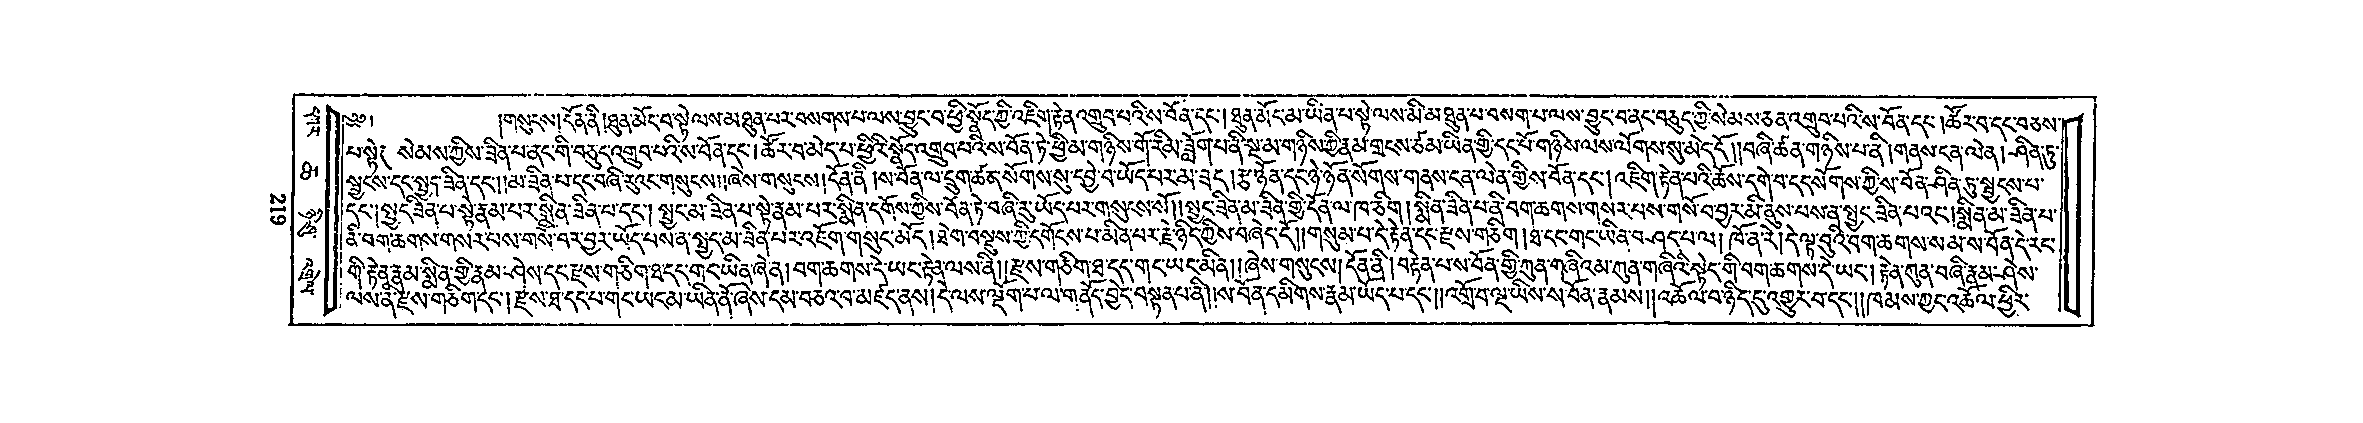༄༅། །གསུངས། དོན་ནི། ཐུན་མོང་བ་སྟེ་ལས་མཐུན་པར་བསགས་པ་ལས་བྱུང་བ་ཕྱི་སྣོད་ཀྱི་འཇིག་རྟེན་འགྲུབ་པའི་ས་བོན་དང་། ཐུན་མོང་མ་ཡིན་པ་སྟེ་ལས་མི་མཐུན་པ་བསག་པ་ལས་བྱུང་བ་ནང་བཅུད་ཀྱི་སེམས་ཅན་འགྲུབ་པའི་ས་བོན་དང་། ཚོར་བ་དང་བཅས་
པ་སྟེ། སེམས་ཀྱིས་ཟིན་པ་ནང་གི་བཅུད་འགྲུབ་པའི་ས་བོན་དང་། ཚོར་བ་མེད་པ་ཕྱིའི་སྣོད་འགྲུབ་པའི་ས་བོན་ཏེ་ཕྱི་མ་གཉིས་གོ་རིམ་ཟློག་པ་ནི་སྔ་མ་གཉིས་ཀྱི་རྣམ་གྲངས་ཙམ་ཡིན་གྱི་དང་པོ་གཉིས་ལས་ལོགས་སུ་མེད་དོ། །བཞི་ཚན་གཉིས་པ་ནི། གནས་ངན་ལེན། ཤིན་ཏུ་
སྦྱངས་དང་སྤྱད་ཟིན་དང་། །མ་ཟིན་པ་དང་བཞི་རུའང་གསུངས། །ཞེས་གསུངས། དོན་ནི། ས་བོན་ལ་དྲུག་ཚན་སོགས་སུ་དབྱེ་བ་ཡོད་པར་མ་ཟད། རྩ་ཉོན་དང་ཉེ་ཉོན་སོགས་གནས་ངན་ལེན་གྱི་ས་བོན་དང་། འཇིག་རྟེན་པའི་ཆོས་དགེ་བ་དད་སོགས་ཀྱི་ས་བོན་ཤིན་ཏུ་སྦྱངས་པ་
དང་། སྤྱད་ཟིན་པ་སྟེ་རྣམ་པར་སྨིན་ཟིན་པ་དང་། སྤྱང་མ་ཟིན་པ་སྟེ་རྣམ་པར་སྨིན་དགོས་ཀྱི་ས་བོན་ཏེ་བཞི་རུ་ཡོད་པར་གསུངས་སོ། །སྤྱང་ཟིན་མ་ཟིན་གྱི་དོན་ལ་ཁ་ཅིག །སྨིན་ཟིན་པ་ནི་བག་ཆགས་གསར་པས་གསོ་བ་བྱར་མི་ནུས་པས་ན་སྤྱང་ཟིན་པའང་། སྨིན་མ་ཟིན་པ་
ནི་བག་ཆགས་གསར་པས་གསོ་བར་བྱར་ཡོད་པས་ན་སྤྱད་མ་ཟིན་པར་འཇོག་གསུང་མོད། ཐེག་བསྡུས་ཀྱི་དགོངས་པ་མིན་པར་རྗེ་ཉིད་ཀྱིས་བཞེད་དོ། །གསུམ་པ་དེ་རྟེན་དང་རྫས་གཅིག །ཐ་དང་གང་ཡིན་བཤད་པ་ལ། ཁོ་ན་རེ། དེ་ལྟ་བུའི་བག་ཆགས་སམ་ས་བོན་དེ་རང་
གི་རྟེན་རྣམ་སྨིན་གྱི་རྣམ་ཤེས་དང་རྫས་གཅིག་ཐ་དད་གང་ཡིན་ཞེ་ན། བག་ཆགས་དེ་ཡང་རྟེན་ལས་ནི། །རྫས་གཅིག་ཐ་དད་གང་ཡང་མིན། །ཞེས་གསུངས། དོན་ནི། བརྟེན་པ་ས་བོན་གྱི་ཀུན་གཞི་འམ་ཀུན་གཞིའི་སྟེང་གི་བག་ཆགས་དེ་ཡང་། རྟེན་ཀུན་བཞི་རྣམ་ཤེས་ལས་ནི་རྫས་གཅིག་དང་། རྫས་ཐ་དད་པ་གང་ཡང་མ་ཡིན་ནོ་ཞེས་དམ་བཅའ་བ་མཛད་ནས། དེ་ལས་ལྡོག་པ་ལ་གནོད་བྱེད་བསྟན་པ་ནི། །ས་བོན་དམིགས་རྣམ་ཡོད་པ་དང་། །འགྲོ་བ་ལྔ་ཡིས་ས་བོན་རྣམས། །འཆོལ་བ་ཉིད་དུ་འགྱུར་བ་དང་། །ཁམས་ཀྱང་འཆོལ་ཕྱིར་